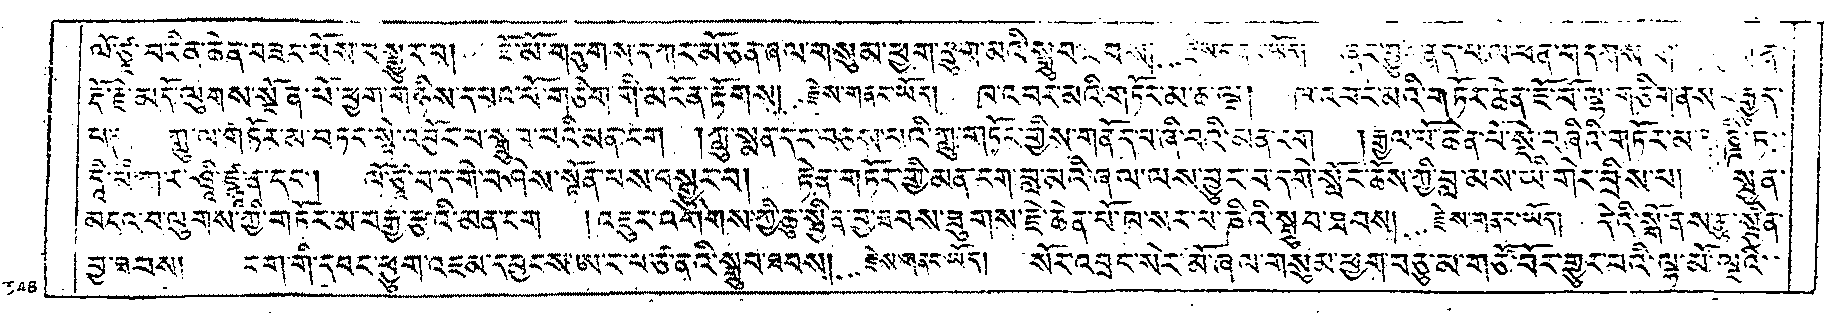ལོ་ཙཱ་བ་རིན་ཆེན་བཟང་པོས་བསྒྱུར་བ། ཇོ་མོ་གདུགས་དཀར་མོ་ཅན་ཞལ་གསུམ་ཕྱག་དྲུག་མའི་སྒྲུབ་ཐབས། རྗེས་གནང་ཡོད།  ཞར་བྱུང་ནད་པ་ལ་ཕན་གདགས་པ། ཕྱག་ན་
རྡོ་རྗེ་མདོ་ལུགས་སྔོན་པོ་ཕྱག་གཉིས་དཔའ་བོ་གཅིག་གི་མངོན་རྟོགས། རྗེས་གནང་ཡོད།  ཁ་འབར་མའི་གཏོར་མ་ཆ་ལྔ། ཁ་འབར་མའི་གཏོར་ཆེན་ཇོ་བོ་ལྷ་གཅིག་ནས་བརྒྱུད་
པ༑ ཀླུ་ལ་གཏོར་མ་བཏང་སྟེ་འབྱོར་པ་སྒྲུབ་པའི་མན་ངག །ཀླུ་སྨན་དང་བཅས་པའི་ཀླུ་གཏོར་གྱིས་གནོད་པ་ཞི་བའི་མན་ངག །རྒྱལ་པོ་ཆེན་པོ་སྡེ་བཞིའི་གཏོར་མ་པཎྜི་ཏ་
དཱི་པཾ་ཀ་ར་ཤྲཱི་ཛྙཱ་ན་དང་། ལོ་ཙཱ་བ་དགེ་བཤེས་སྟོན་པས་བསྒྱུར་བ། རྟེན་གཏོར་གྱི་མན་ངག་བླ་མའི་ཞལ་ལས་བྱུང་བ་དགེ་སློང་ཆོས་ཀྱི་བླ་མས་ཡི་གེར་བྲིས་པ། སྤྱན་
མངའ་བ་ལུགས་ཀྱི་གཏོར་མ་བརྒྱ་རྩའི་མན་ངག །འཇུར་འགེགས་ཀྱི་ཆུ་སྦྱིན་བྱ་ཐབས་ཐུགས་རྗེ་ཆེན་པོ་ཁ་སར་པ་ཎིའི་སྒྲུབ་ཐབས། རྗེས་གནང་ཡོད།  དེའི་སྒོ་ནས་ཆུ་སྦྱིན་
བྱ་ཐབས། ངག་གི་དབང་ཕྱུག་འཇམ་དབྱངས་ཨ་ར་པ་ཙ་ནའི་སྒྲུབ་ཐབས། རྗེས་གནང་ཡོད།  སོར་འབྲང་སེར་མོ་ཞལ་གསུམ་ཕྱག་བཅུ་མ་གཙོ་བོར་གྱུར་པའི་ལྷ་མོ་ལྔའི་